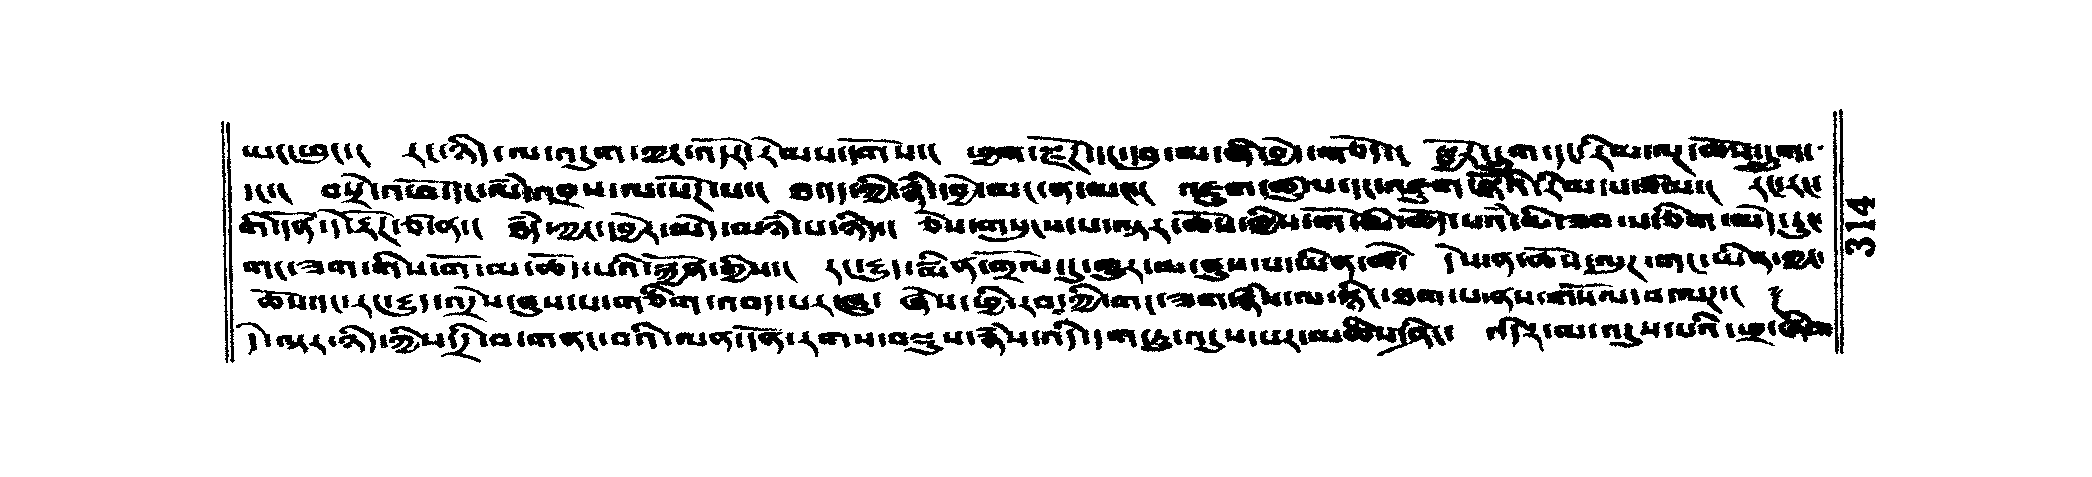ཡང་ཕུང་། །རང་ཉིད་ལ་འདུག་ཀྱང་འདོར་རེམས་དགོས། ཕྱག་རྫོགས་དང་དབུ་མ་ཞི་བྱེད་གཅོད། སྦྱོར་དྲུག་དང་རིམ་ལྔ་ཆོས་དྲུག་
དང་། བསྲེ་འཕོ་དང་ལམ་འབྲས་ལ་སོགས་པ། ཐ་དད་ཀྱི་རྣམ་དབྱེ་མང་ན་ཡང་། འཇུག་ཚུལ་དང་འཇུག་སྒོའི་རིམ་པ་ཙམ། རང་རང་
གི་དོན་དེ་རྟོགས་ཙ་ན།ཐམས་ཅད་ཀྱང་དབྱེར་མེད་མཉམ་པ་ཉིད། ཅེས་གསུངས་པ་ལྟར་ཆོད་ཀྱིས་གོ་མི་ཆོས་པའམ་མི་ཟབ་པ་ཞིག་མེད་རུང་། 
གང་ཟག་གིས་གོ་མ་ཆོད་པའི་སྐྱོན་གྱིས། རང་རྒྱུད་སྨིན་གྲོལ་དུ་གྱུར་མ་ནུས་པ་ཡིན་ཚེ། དེས་ན་ཆོས་ལུགས་གང་ཡིན་ཀྱང་། 
ཆོས་དང་རང་རྒྱུད་འདྲེས་ནུས་པ་གཅིག་འབད་པར་ཞུ། ཞེས་ཕྱི་རབས་ཀྱི་གང་ཟག་རྣམས་ལ་སྙིང་ཐག་པ་ནས་གསོལ་བ་ལགས། 
དེ་ལྟར་ཉིད་ཀྱི་དྲི་བ་གནང་བའི་ལན་དོན་རགས་བསྡུས་རྣམས་འདི་དག་ཏུ་འདུས་པར་མཆིས་ཤིང་། འདིར་མ་འདུས་པའི་ཕྲ་ཞིབ་